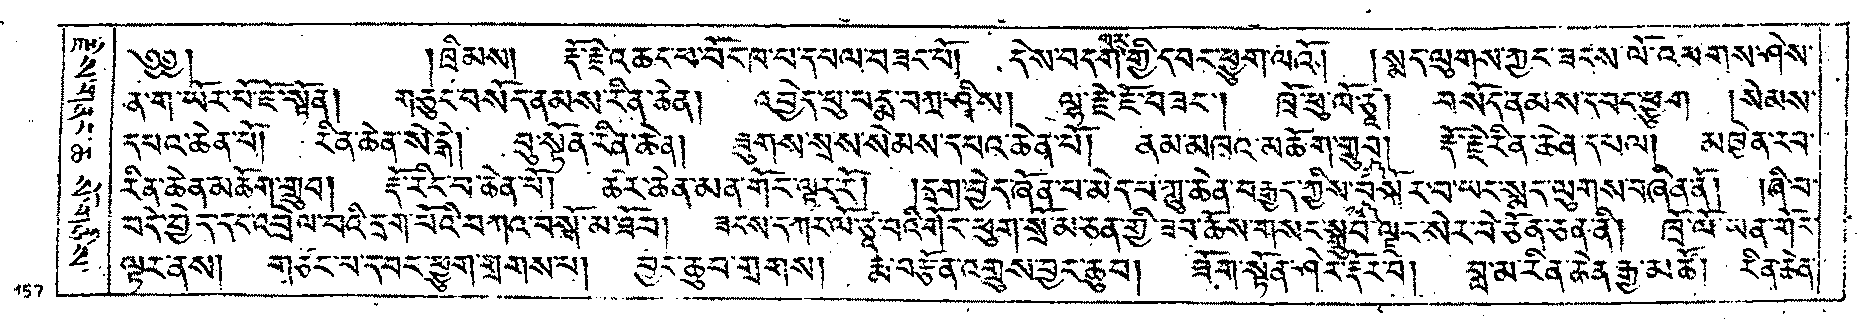༄༅། །ཁྲིམས། རྡོ་རྗེ་འཆང་ཕ་བོང་ཁ་པ་དཔལ་བཟང་པོ། དེས་བདག་གར་གྱི་དབང་ཕྱུག་ལའོ། །སྨད་ལུགས་ཀྱང་ཟངས་ལོ་འཕགས་ཤེས་
ན་ག་ཡོར་པོ་ཇོ་སྟོན། གཅུང་བསོད་ནམས་རིན་ཆེན། འབྱེད་ཕུ་པདམ་བཀྲ་ཤིས། ལྷ་རྗེ་ཇོ་བཟང་། ཁྲོ་ཕུ་ལོ་ཙཱ། བསོད་ནམས་དབང་ཕྱུག །སེམས་
དཔའ་ཆེན་པོ། རིན་ཆེན་སེངྒེ། བུ་སྟོན་རིན་ཆེན། ཐུགས་སྲས་སེམས་དཔའ་ཆེན་པོ། ནམ་མཁའ་མཆོག་གྲུབ། རྡོ་རྗེ་རིན་ཆེན་དཔལ། མཁྱེན་རབ་
རིན་ཆེན་མཆོག་གྲུབ། རྡོ་རིང་བ་ཆེན་པོ། ཚར་ཆེན་མན་གོང་ལྟར་རོ། །དྲག་བྱེད་ཞོན་པ་མེད་པ་ཀླུ་ཆེན་བརྒྱད་ཀྱིས ༧?་བསྐོར་བ་ཡང་སྨད་ལུགས་བཞིན་ནོ། །ཞི་བ་
བདེ་བྱེད་དང་འབྲེལ་བའི་དྲག་པོའི་བཀའ་བསྒོ་མ་ཐོབ། ཟངས་དཀར་ལོ་ཙཱ་བའི་གོང་ཕུག་སྲོ་མ་ཅན་གྱི་ཟབ་ཆོས་གསང་སྒྲུབ ༡༥?་ལྗང་སེར་བེ་ཅོན་ཅན་ནི། ཁྲོ་ལོ་ཡན་གོང་
ལྟར་ནས། གཙང་པ་དབང་ཕྱུག་གྲགས་པ། བྱང་ཆུབ་གྲགས། རྨ་བརྩོན་འགྲུས་བྱང་ཆུབ། ཐོག་སྟོན་ཤེར་རྡོར་བ། བླ་མ་རིན་ཆེན་རྒྱ་མཚོ། རིན་ཆེན་